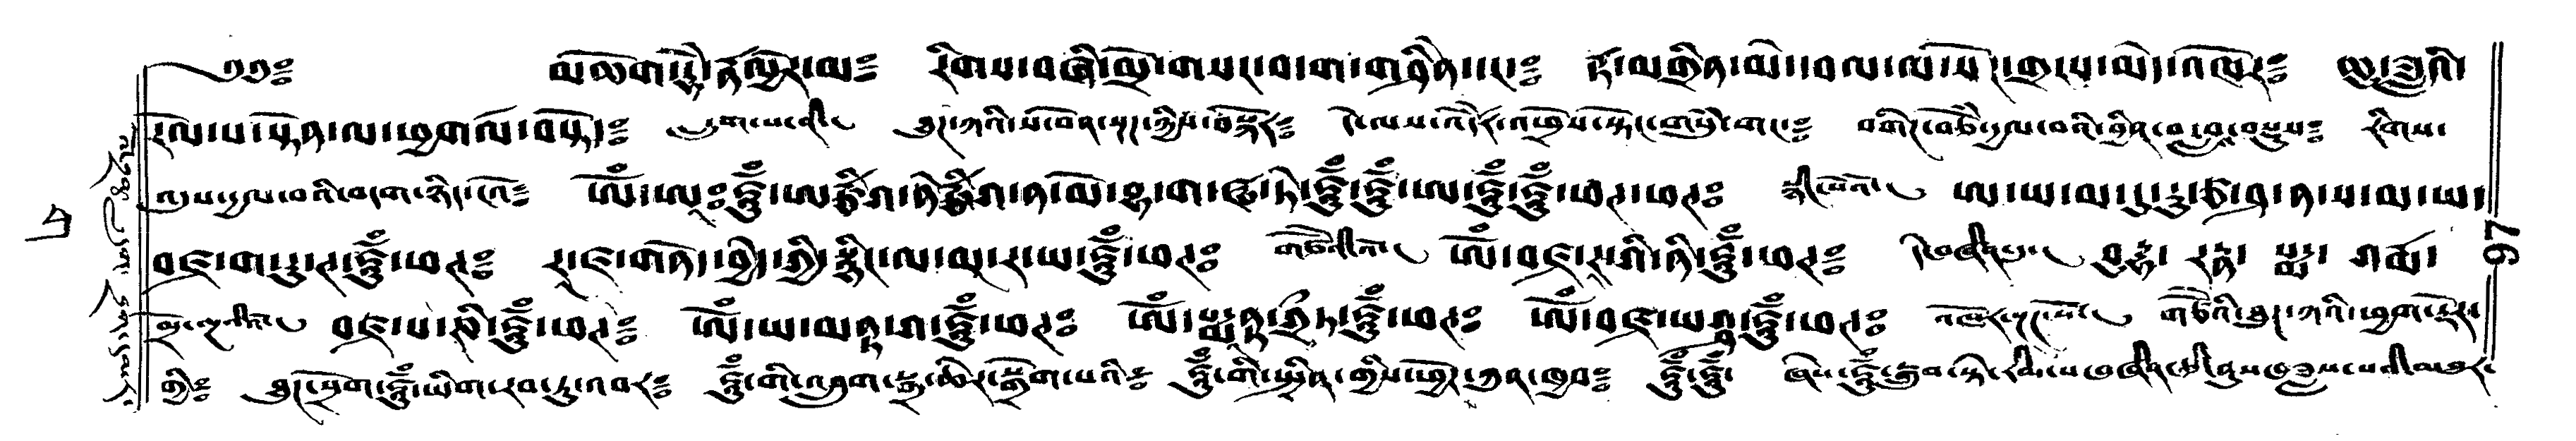མཆོག་རྡོ་རྗེ་རྣལ་འབྱོར་མ༔ རིགས་བཞི་མཁའ་འགྲོ་གསང་བདག་གཤིན་རྗེ་དང༔ རྟ་མགྲིན་མེ་དབལ་ལ་སོགས་གྲངས་མེད་འཁོར༔ ཆུ་ཟླའི་
རོལ་པ་སྟོན་ལ་ཕྱག་འཚལ་བསྟོད༔ དྲུག་པ་ནི། ཐུགས་ཀའི་ས་བོན་སྔགས་ཀྱིས་བསྐོར༔ དེ་ལས་འོད་འཕྲོས་སྟོང་གསུམ་གང༔ བགེགས་བཅོམ་རྒྱལ་བའི་བྱིན་རླབས་བསྡུས༔ རིགས་
འདུས་རྒྱལ་བའི་བདག་ཉིད་ངའོ༔ ཨོཾ་ཨཱ༔ཧཱུྃ་ཨརྩིཀ་ནེ་རྩིཀ་ན་མོ་བྷ་ག་ཝ་ཏེ་ཧཱུྃ་ཧཱུྃ་ཨ་ཧཱུྃ་ཧཱུྃ་ཕཊ་ཕཊ༔ སྙིང་པོའོ། ཨ་ཡ་མ་དུ་རུ་ཙ་ཤ་ན་ས་མ་ཡ་
བཛྲ་ག་རུ་ཊ་ཧཱུྃ་ཕཊ༔ རཱ་ཛ་གནོད་བྱེད་ཀྱི་སྙིང་ལ་མཱ་ར་ཡ་ཧཱུྃ་ཕཊ༔ གཙོ་བོའི་འོ། ཨོཾ་བཛྲ་ཌཱ་ཀི་ནི་ཧཱུྃ་ཕཊ༔ དེ་བཞིན་དུ། བུདྡྷ༔ རཏྣ༔ པདྨ༔ ཀརྨ༔
མཁའ་འགྲོ་ལྔའི་འོ། བཛྲ་པ་ཎི་ཧཱུྃ་ཕཊ༔ ཡོཾ་ཡ་མནྟ་ཀ་ཧཱུྃ་ཕཊ༔ ཨོཾ་པདྨནྟ་ཀྲྀཏ་ཧཱུྃ་ཕཊ༔ ཨོཾ་བཛྲ་ཡཀྴ་ཧཱུྃ་ཕཊ༔ འཁོར་སྔགས་སོ། གཅོ་བོའི་ཐུགས་ཀའི་ཕྱག་རྡོར་
གྱི། ཐུགས་སྲོག་ཧཱུྃ་ཡིག་རབ་ཏུ་འབར། །ཧཱུྃ་གི་འབྲུག་སྒྲ་ཆེར་སྒྲོག་པས༔ །ཧཱུྃ་གི་སྤྲིན་གྱིས་ཕྱོགས་ཀུན་ཁྱབ།ཧཱུྃ་ཧཱུྃ༔ ཞེས་ཧཱུྃ་སྒྲུབ་སྟེ་རིམ་པ་བཞིན་ཅི་ནུས་བཟླས་པའི་མཐར་